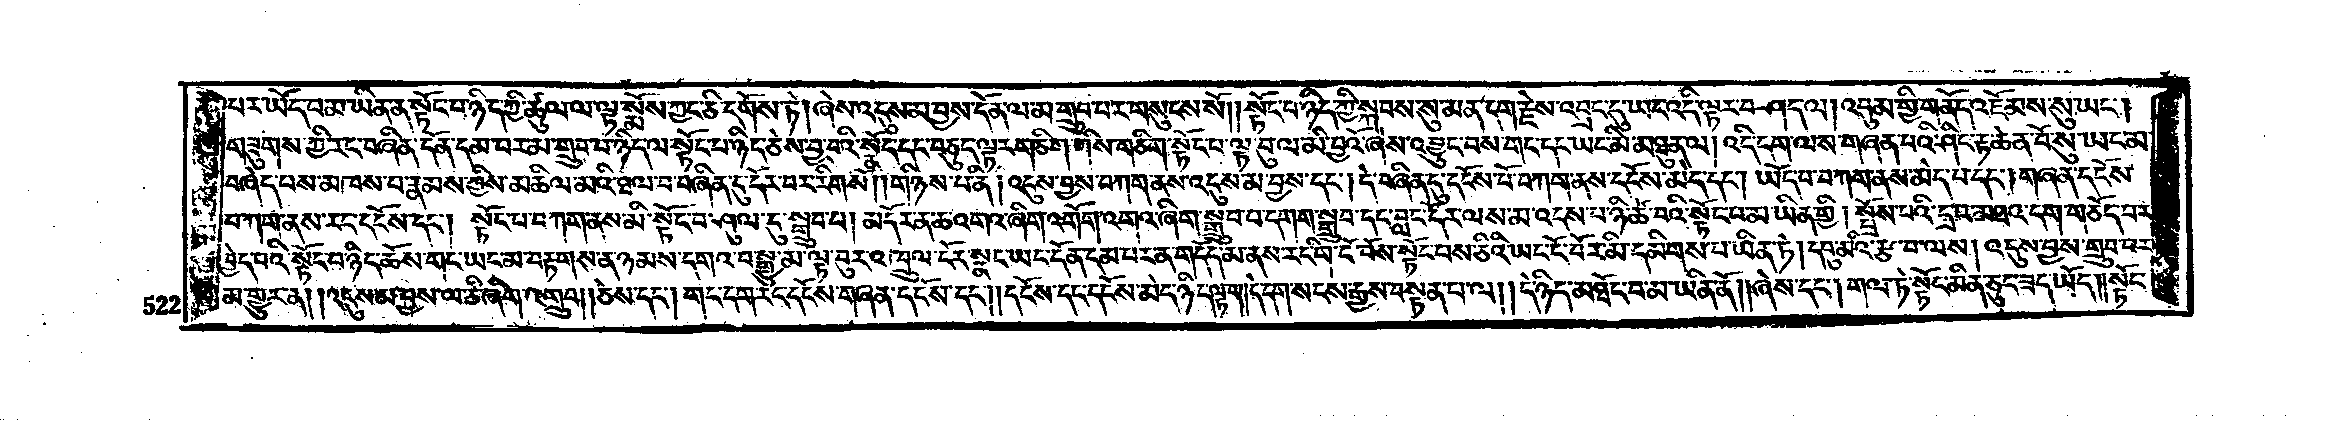པར་ཡོད་པ་མ་ཡིན་ན་སྟོང་པ་ཉིད་ཀྱི་ཚུལ་ལ་ལྟ་སྨོས་ཀྱང་ཅི་དགོས་ཏེ། ཞེས་འདུས་མ་བྱས་དོན་ལ་མ་གྲུབ་པར་གསུངས་སོ། །སྟོང་པ་ཉིད་ཀྱི་སྐབས་སུ་མན་དག་རྗེས་འབྲང་དུ་ཡང་འདི་ལྟར་བཤད་ལ། འབུམ་གྱི་གནོད་འཇོམས་སུ་ཡང་།
གཟུགས་ཀྱི་རང་བཞིན་དོན་དམ་པར་མ་གྲུབ་པ་ཉིད་ལ་སྟོང་པ་ཉིད་ཅེས་བྱ་བའི་སྣོད་དང་བཅུད་ལྟར་གཅིག་གིས་གཅིག་སྟོང་པ་ལྟ་བུ་ལ་མི་བྱའོ་ཞེས་འབྱུང་བས་གང་དང་ཡང་མི་མཐུན་ལ། འདི་དག་ལས་གཞན་པའི་ཤིང་རྟ་ཆེན་པོ་སུ་ཡང་མི་
བཞེད་པས་མཁས་པ་རྣམས་ཀྱིས་མཆིལ་མའི་ཐལ་བ་བཞིན་དུ་དོར་བར་རིགས་སོ། །གཉིས་པ་ནི། འདུས་བྱས་བཀག་ནས་འདུས་མ་བྱས་དང་། དེ་བཞིན་དུ་དངོས་པོ་བཀག་ནས་དངོས་མེད་དང་། གཞན་དངོས་
བཀག་ནས་རང་དངོས་དང་། སྟོང་པ་བཀག་ནས་མི་སྟོང་པ་ཤུལ་དུ་སྒྲུབ་པ། མདོར་ན་ཆ་འགའ་ཞིག་འགོག་འགའ་ཞིག་སྒྲུབ་པ་དགག་སྒྲུབ་དང་བླང་དོར་ལས་མ་འདས་པ་ཉི་ཚེ་བའི་སྟོང་པ་མ་ཡིན་གྱི། སྤྲོས་པའི་དྲ་བ་མཐའ་དག་གཅོད་པར་
བྱེད་པའི་སྟོང་པ་ཉིད་ཆོས་གང་ཡང་མ་བརྟགས་ན་ཉམས་དགའ་བ་སྒྱུ་མ་ལྟ་བུར་འཁྲུལ་ངོར་སྣང་ཡང་དོན་དམ་པར་ན་གདོད་མ་ནས་རང་གི་ངོ་བོས་སྟོང་པས་ཅིའི་ཡང་ངོ་བོར་མི་དམིགས་པ་ཡིན་ཏེ། དབུ་མའི་རྩ་བ་ལས། འདུས་བྱས་གྲུབ་པར་
མ་གྱུར་ན། །འདུས་མ་བྱས་ལ་ཅི་ཞིག་འགྲུབ། །ཅེས་དང་། གང་དག་རང་དངོས་གཞན་དངོས་དང་། །དངོས་དང་དངོས་མེད་ཉིད་ལྟ་བ། །དེ་དག་སངས་རྒྱས་བསྟན་པ་ལ། །དེ་ཉིད་མཐོང་བ་མ་ཡིན་ནོ། །ཞེས་དང་། གལ་ཏེ་སྟོང་མིན་ཅུང་ཟད་ཡོད། །སྟོང་